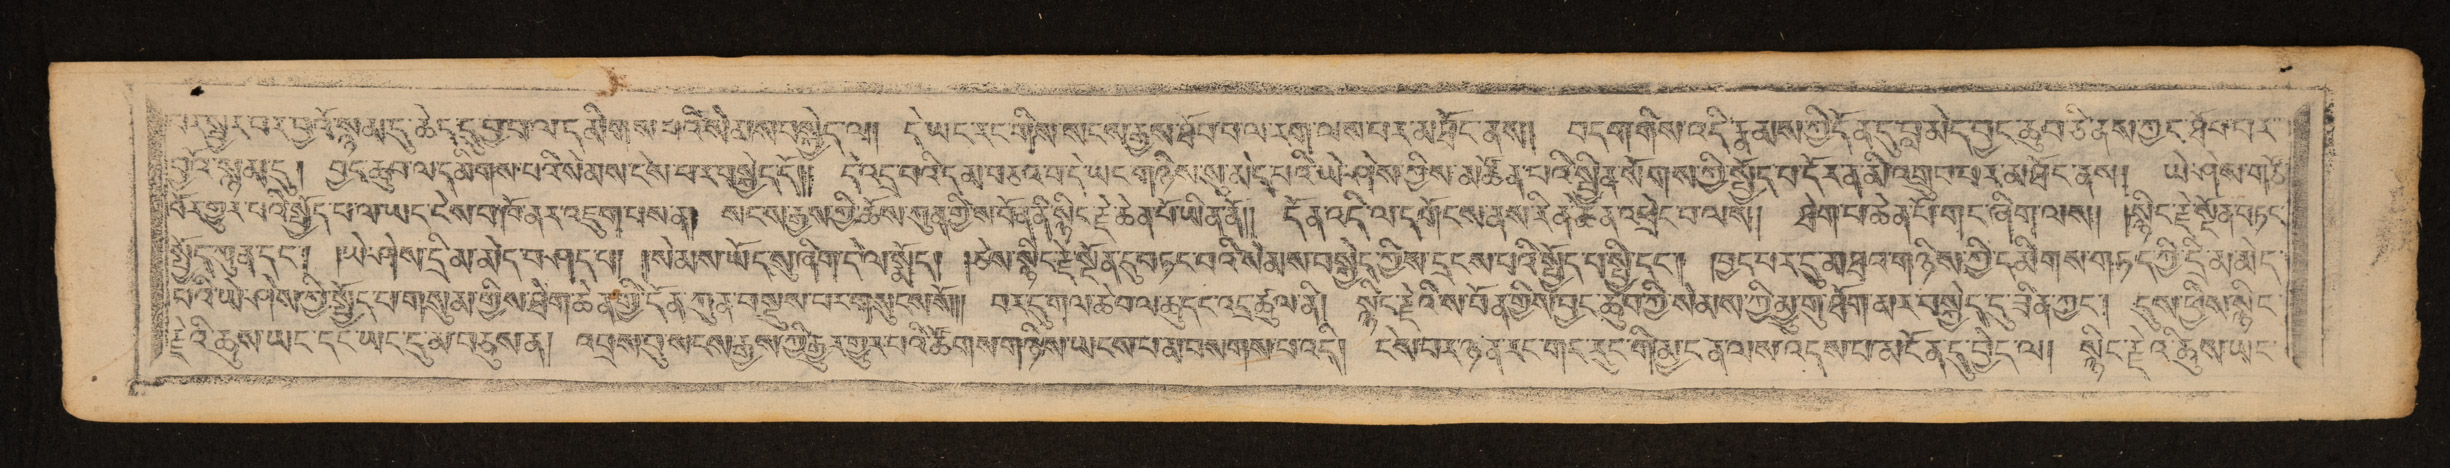པར་སྦྱར་བར་བྱའོ་སྙམ་དུ་ཆེད་དུ་བྱ་བ་ལ་དམིགས་པའི་སེམས་བསྐྱེད་ལ། དེ་ཡང་རང་གིས་སངས་རྒྱས་ཐོབ་པ་ལ་རག་ལས་པར་མཐོང་ནས། བདག་གིས་འདི་རྣམས་ཀྱི་དོན་དུ་བླ་མེད་བྱང་ཆུབ་ཅི་ནས་ཀྱང་ཐོབ་པར་
བྱའོ་སྙམ་དུ། བྱང་ཆུབ་ལ་དམིགས་པའི་སེམས་ངེས་པར་བསྐྱེད་དོ།། དེ་འདྲ་པའི་དམ་བཅའ་བ་དེ་ཡང་གཉིས་སུ་མེད་པའི་ཡེ་ཤེས་ཀྱིས་མཚོན་པའི་སྦྱིན་སོགས་ཀྱི་སྤྱོད་པ་དོར་ན་མི་འགྲུབ་པར་མཐོང་ནས། ཡེ་ཤེས་གཙོ་
བོར་གྱུར་པའི་སྤྱོད་པ་ལ་ཡང་ངེས་པ་ཁོ་ནར་འཇུག་པས་ན། སངས་རྒྱས་ཀྱི་ཆོས་ཀུན་གྱི་ས་བོན་ནི་སྙིང་རྗེ་ཆེན་པོ་ཡིན་ནོ།། དོན་འདི་ལ་དགོངས་ནས་རིན་ཆེན་འཕྲེང་བ་ལས། ཐེག་པ་ཆེན་པོ་གང་ཞིག་ལས། །སྙིང་རྗེ་སྔོན་བཏང་
སྤྱོད་ཀུན་དང་། །ཡེ་ཤེས་དྲི་མ་མེད་བཤད་པ། །སེམས་ཡོང་སུ་ཞིག་དེ་ལ་སྨོད། །ཅེས་སྙིང་རྗེ་སྔོན་དུ་བཏང་བའི་སེམས་བསྐྱེད་ཀྱིས་དྲངས་པའི་སྤྱོད་པ་སྤྱི་དང་། ཁྱད་པར་དུ་མཐའ་གཉིས་ཀྱི་དམིགས་གཏད་ཀྱི་དྲི་མ་མེད་
པའི་ཡེ་ཤེས་ཀྱི་སྤྱོད་པ་གསུམ་གྱིས་ཐེག་ཆེན་གྱི་དོན་ཀུན་བསྡུས་པར་གསུངས་སོ།། བར་དུ་གལ་ཆེ་བ་ལ་ཆུ་དང་འདྲ་ཚུལ་ནི། སྙིང་རྗེའི་ས་བོན་གྱིས་བྱང་ཆུབ་ཀྱི་སེམས་ཀྱི་མྱུ་གུ་ཐོག་མར་བསྐྱེད་དུ་ཟིན་ཀྱང་། དུས་ཕྱིས་སྙིང་
རྗེའི་ཆུས་ཡང་དང་ཡང་དུ་མ་བཅུས་ན། འབྲས་བུ་སངས་རྒྱས་ཀྱི་རྒྱུར་གྱུར་པའི་ཚོགས་གཉིས་ཡངས་པ་མ་བསགས་པ་འདི། ངེས་པར་ཉན་རང་གང་རུང་གི་མྱ་ངན་ལས་འདས་པ་མངོན་དུ་བྱེད་ལ། སྙིང་རྗེའི་ཆུས་ཡང་